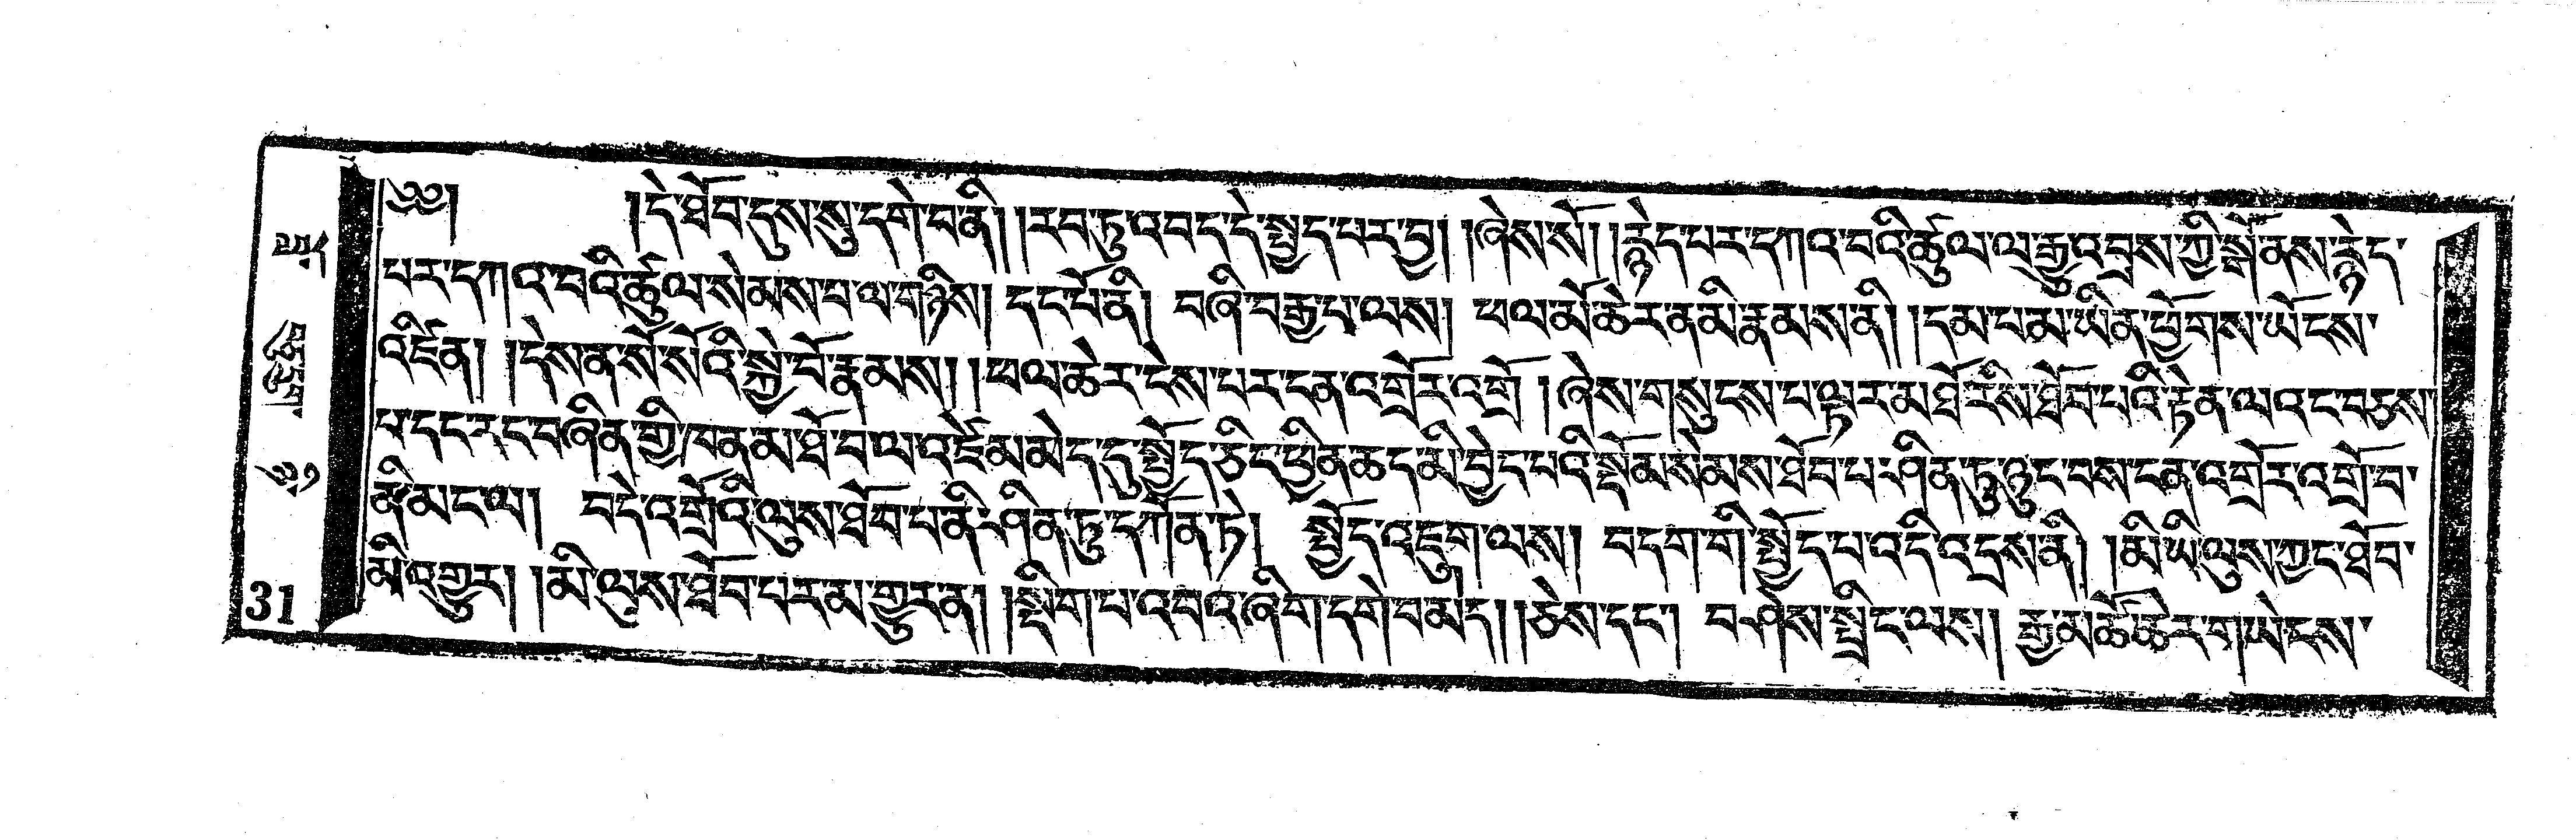༄༅། །དེ་ཐོབ་དུས་སུ་དགེ་བ་ནི། །རབ་ཏུ་འབད་དེ་སྤྱད་པར་བྱ། །ཞེས་སོ། །རྙེད་པར་དཀའ་བའི་ཚུལ་ལ་རྒྱུ་འབྲས་ཀྱི་སྒོ་ནས་རྙེད་
པར་དཀའ་བའི་ཚུལ་སེམས་པ་ལ་གཉིས། དང་པོ་ནི། བཞི་བརྒྱ་པ་ལས། ཕལ་མོ་ཆེར་ན་མི་རྣམས་ནི། །དམ་པ་མ་ཡིན་ཕྱོགས་ཡོངས་
འཛིན། །དེས་ན་སོ་སོའི་སྐྱེ་བོ་རྣམས། །ཕལ་ཆེར་ངེས་པར་ངན་འགྲོར་འགྲོ་།ཞེས་གསུངས་པ་ལྟར་མཐོ་རིས་ཐོབ་པའི་རྟེན་ལའང་བཅས་
པ་དང་རང་བཞིན་གྱི་ཁ་ན་མ་ཐོ་བ་ལ་འཛེམ་མེད་དུ་སྤྱོད་ཅིང་ཕྱིན་ཆད་མི་བྱེད་པའི་སྡོམ་སེམས་ཐོབ་པ་ཤིན་ཏུ་ཉུང་བས་ངན་འགྲོར་འགྲོ་བ་
ནི་མང་ལ། བདེ་འགྲོའི་ལུས་ཐོབ་པ་ནི་ཤིན་ཏུ་དཀོན་ཏེ། སྤྱོད་འཇུག་ལས། བདག་གི་སྤྱོད་པ་འདི་འདྲས་ནི། །མི་ཡི་ལུས་ཀྱང་ཐོབ་
མི་འགྱུར། །མི་ལུས་ཐོབ་པར་མ་གྱུར་ན། །སྡིག་པ་འབའ་ཞིག་དགེ་བ་མེད། །ཅེས་དང་། བཤེས་སྤྲིང་ལས། རྒྱ་མཚོ་ཆེར་གཡེངས་